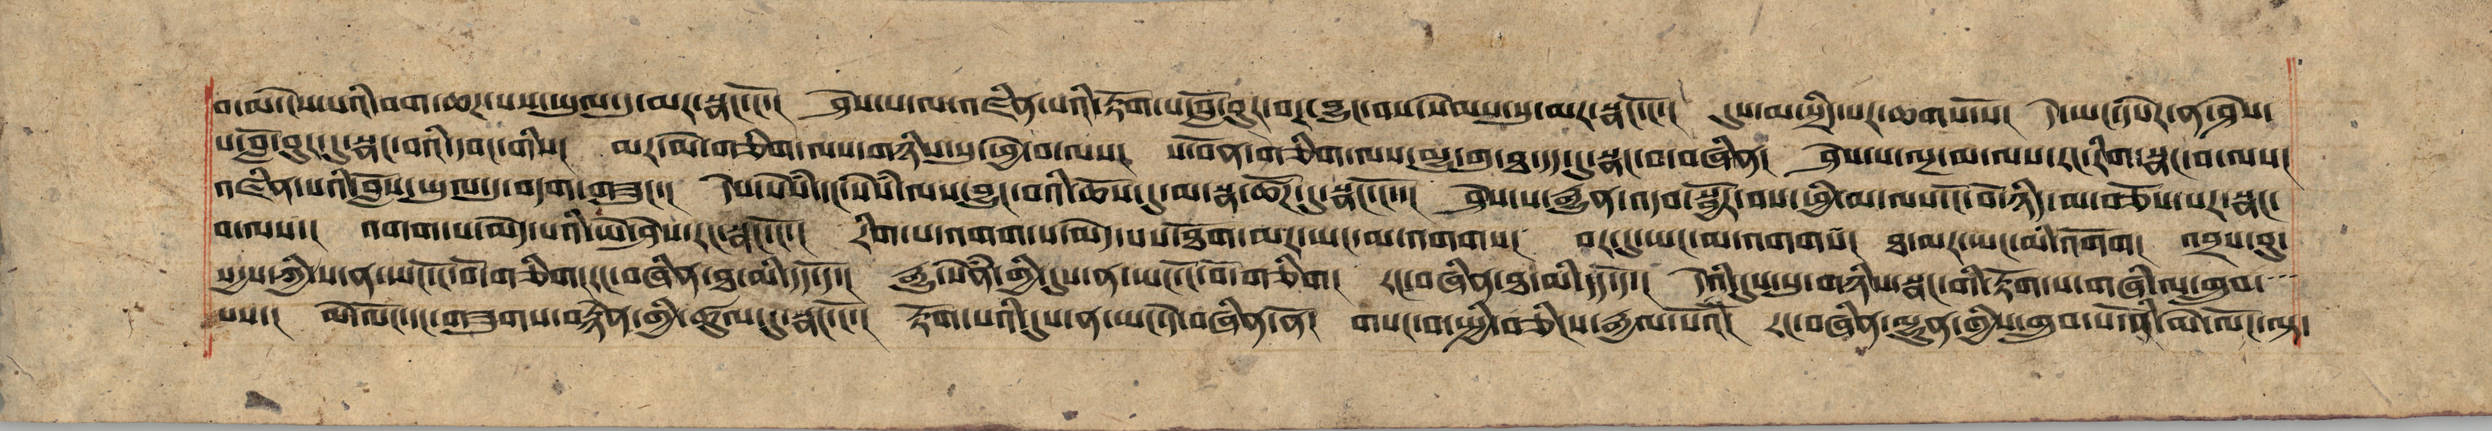བ་མ་ངེས་པའི་བག་ཆཌ་པས་ཡུལ་དུ་མར་སྣང་ངོ་། ཤེས་པ་ལ་འཛིན་པའི་རྟོག་པ་བློ་བུར་བར་བྱུང་བས་སེམས་སུ་མར་སྣང་ངོ་། དུས་མ་སྲིད་པར་ཆགས་སོ། དེ་ཡང་དཔེར་ན་ཤེས་
པ་བློ་བུར་དུ་སྣང་བའི་དབང་གིས། མར་མེ་གཅིག་ལས་གཉིས་སུ་ཕྱེ་བ་ལས། ས་བོན་གཅིག་ལས་མྱུ་གུ་དད་དུ་སྣང་བ་བཞིན། ཤེས་པ་ལྔ་མ་ལས་རང་རིག་སྣང་བ་ལས།
འཛིན་པའི་བློས་ཡུལ་དུ་བདག་གཟུང་། དེས་སེཾས་དང་སེཾས་ལས་བྱུང་བའི་ཆོས་དུ་མ་སྣ་ཚོཌ་དུ་སྣང་ངོ་་། ཤེས་པ་རྒྱུན་འདབ་སྦྱོར་བས་ཕྱི་མ་ལས་ངོ་བོ་ཉིད་མ་བཅོས་པར་སྣང་
བ་ལས་། འགག་པ་མེད་པའི་ཡེ་ཤེས་རང་སྣང་ངོ་། རིག་པ་འགག་པ་མེད་པས་ཐོག་མར་ཡང་མ་འགགས། བར་དུ་ཡང་མ་འགགས། ཐ་མར་ཡང་མི་འགོག། འབྲས་བུ་
སདྱས་ཀྱི་ས་ན་ཡང་ངོ་བོ་གཅིག་རང་བཞིན་ཐ་མི་དད་དོ་། རྒྱུ་སེཾན་གྱི་དུས་ན་ཡང་ངོ་བོ་གཅིག། རང་བཞིན་ཐ་མི་དད་དོ་། དེའི་དུས་སུ་གཉིས་སྣང་གི་རྟོག་པ་གཞི་ལ་གྲུབ་
ལས་། མེ་ལོང་དང་གཟུགས་བརྙེན་གྱི་ཚུལ་དུ་སྣང་ངོ་། རྟོག་པའི་དུས་ན་ཡང་དེ་བཞིན་ནོ། གསང་བ་སྤྱི་བཅིངས་རྒྱལ་པོའོ་། རང་བཞིན་ལྷུན་གྱིས་གྲུབ་པ་ནི་མེ་ལོང་ལྟ་